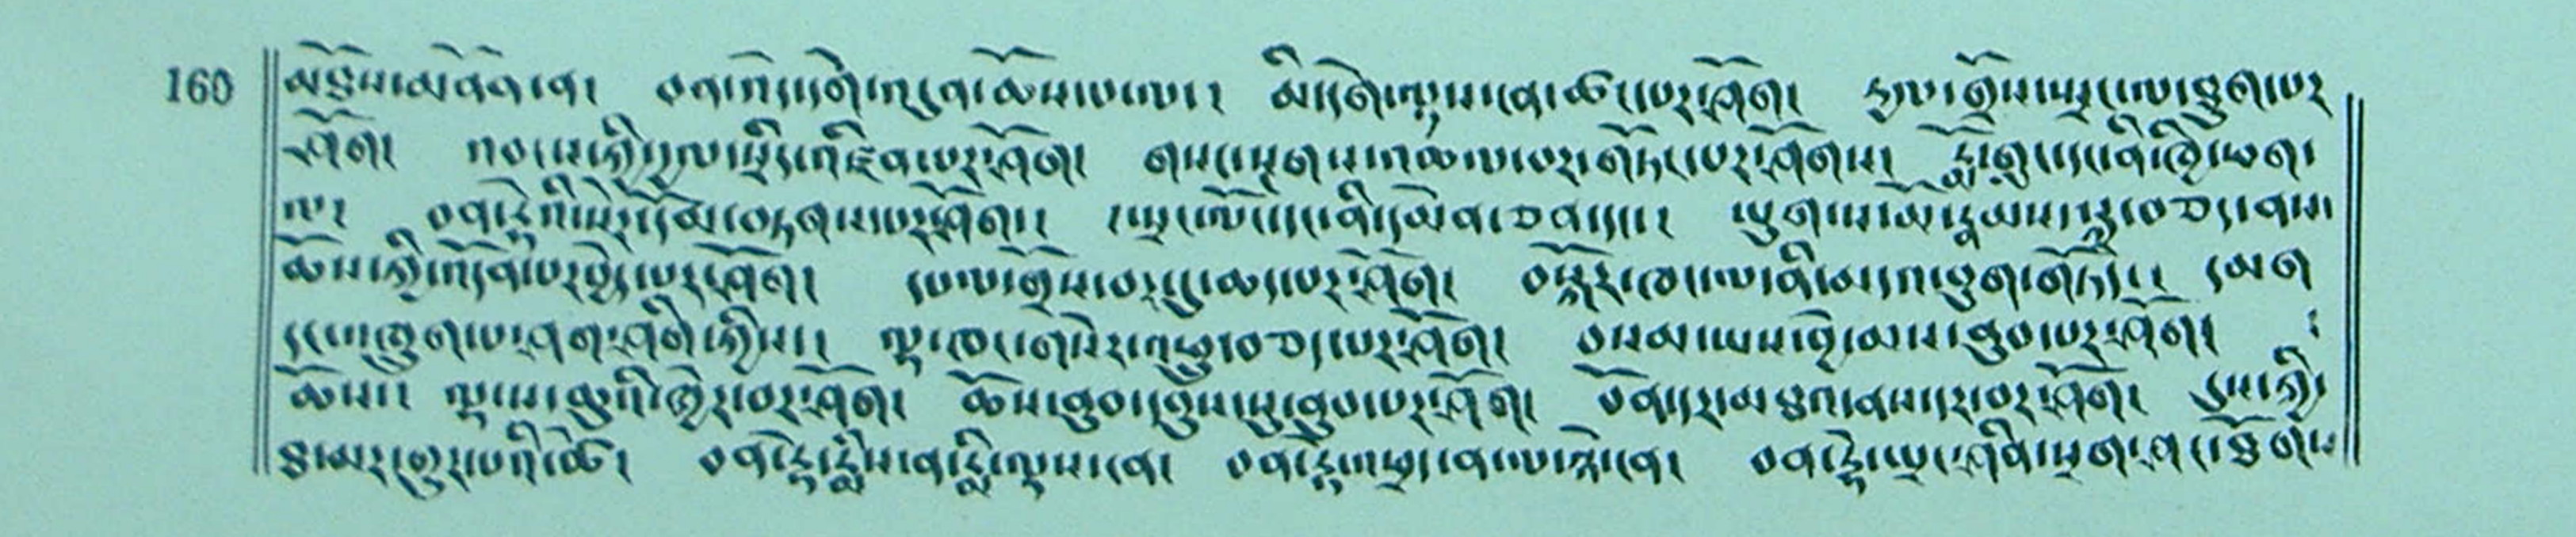མཐོས་མནོན་ན། བན་དྷེ་དགེ་འདུན་ཆོས་པ་ལ། མི་དགེ་ལྟས་ངན་ཚང་བར་ཤོག རྒྱལ་གྲོས་སྤྲང་ལ་ཐུག་པར་
ཤོག འབངས་ཀྱི་རྒྱལ་སྲིད་འཛིན་པར་ཤོག གསང་སྔགས་འཆལ་བར་གཏོང་བར་ཤོག རྨོ་གླང་དང་ནི་ཁྱི་ཕག་
ལ། བན་དྷེའི་སེར་དོམ་བཏགས་པར་ཤོག སྤྲང་ལོང་དང་ནི་དམེན་ཅན་དང་། ཡུག་ས་མོ་རྣམས་སྐྲ་བཅད་ནས། 
ཆོས་ཀྱི་འདོན་པར་བྱེད་པར་ཤོག དཔལ་གྲོས་བར་དུ་ཆད་པར་ཤོག སྐོར་ཁང་ལ་ནི་མདའ་བུག་བཏོད། དམག་
དང་འཁྲུགས་པ་ཤག་ཤིག་གྱིས། ལྷ་ཁང་གསེར་འཕྲུ་བཅད་པར་ཤོག བསམ་ཡས་བྱེ་མས་ནུབ་པར་ཤོག 
ལྷ་ས་ཆུ་ཡིས་ཁྱེར་བར་ཤོག ཆོས་ནུབ་དབུས་སུ་ནུབ་པར་ཤོག བོན་དར་མཐའ་ནས་དར་བར་ཤོག དུས་ཀྱི་
ཐ་མར་གྱུར་བའི་ཚེ། བན་དྷེ་རྨིས་ན་རྨི་ལྟས་ངན། བན་དྷེ་ཕྲད་ན་ལ་ཉེས་ངན། བན་དྷེ་སྤྲང་ཤིན་སྲག་ཤང་ཐོགས་